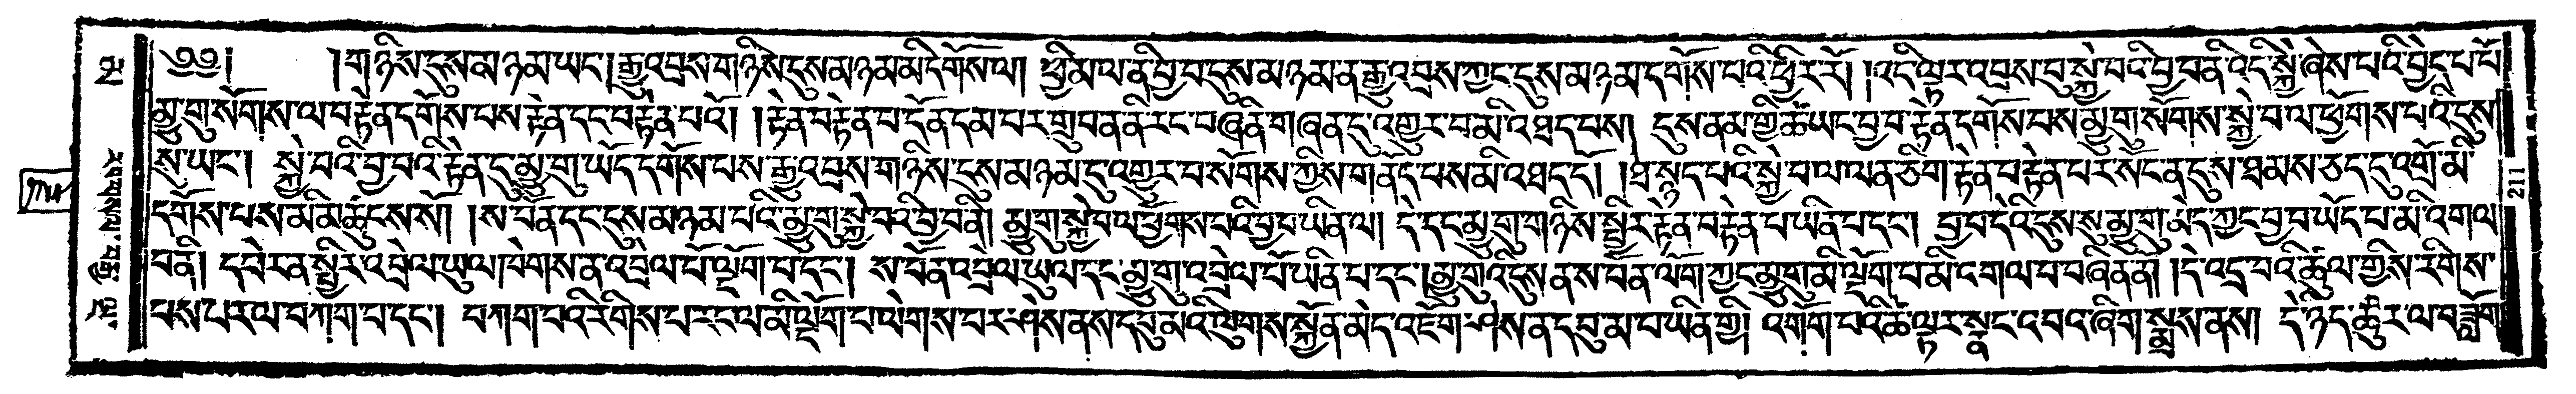༄༅། །གཉིས་དུས་མཉམ་ཡང་། རྒྱུ་འབྲས་གཉིས་དུས་མཉམ་མི་དགོས་ལ། ཕྱི་མ་ལ་ནི་བྱ་བ་དུས་མཉམ་ན་རྒྱུ་འབྲས་ཀྱང་དུས་མཉམ་དགོས་པའི་ཕྱིར་རོ། །འདི་ལྟར་འབྲས་བུ་སྐྱེ་བའི་བྱ་བ་ནི་འདི་སྐྱེ་ཞེས་པའི་བྱེད་པ་པོ་
མྱུ་གུ་སོགས་ལ་བརྟེན་དགོས་པས་རྟེན་དང་བརྟེན་པའོ། །རྟེན་བརྟེན་པ་དོན་དམ་པར་གྲུབ་ན་ནི་རང་བཞིན་གཞན་དུ་འགྱུར་བ་མི་འཐད་པས། དུས་ནམ་གྱི་ཚེ་ཡང་བྱ་བ་རྟེན་དགོས་བས་མྱུ་གུ་སོགས་སྐྱེ་བ་ལ་ཕྱོགས་པའི་དུས་
སུ་ཡང་། སྐྱེ་བའི་བྱ་བའི་རྟེན་དུ་མྱུ་གུ་ཡོད་དགོས་པས་རྒྱུ་འབྲས་གཉིས་དུས་མཉམ་དུ་འགྱུར་བ་སོགས་ཀྱིས་གནོད་པས་མི་འཐད་དོ། །ཐ་སྙད་པའི་སྐྱེ་བ་ལ་ལན་ཅིག་རྟེན་བརྟེན་པར་སོང་ན་དུས་ཐམས་ཅད་དུ་འགྲོ་མི་
དགོས་པས་མི་མཚུངས་སོ། །ས་བོན་དང་དུས་མཉམ་པའི་མྱུ་གུ་སྐྱེ་བའི་བྱ་བ་ནི། མྱུ་གུ་སྐྱེ་བ་ལ་ཕྱོགས་པའི་བྱ་བ་ཡིན་ལ། དེ་དང་མྱུ་གུ་གཉིས་སྤྱིར་རྟེན་བརྟེན་པ་ཡིན་པ་དང་། བྱ་བ་དེའི་དུས་སུ་མྱུ་གུ་མེད་ཀྱང་བྱ་བ་ཡོད་པ་མི་འགལ་
བ་ནི། དཔེར་ན་སྤྱིར་འབྲེལ་ཡུལ་ཁེགས་ན་འབྲེལ་པོ་ལྡོག་པ་དང་། ས་བོན་འབྲེལ་ཡུལ་དང་མྱུ་གུ་འབྲེལ་པོ་ཡིན་པ་དང་། མྱུ་གུའི་དུས་ན་ས་བོན་ལོག་ཀྱང་མྱུ་གུ་མི་ལྡོག་པ་མི་འགལ་བ་བཞིན་ནོ། །དེ་འདྲ་བའི་ཚུལ་གྱིས་རིགས་
པས་ཕར་ལ་བཀག་པ་དང་། བཀག་པའི་རིགས་པ་རང་ལ་མི་ལྡོག་པ་ལེགས་པར་ཤེས་ནས་དབུ་མའི་ལུགས་སྐྱོན་མེད་འཇོག་ཤེས་ན་དབུ་མ་པ་ཡིན་གྱི། འགོག་པའི་ཚེ་ལྟར་སྣང་འབའ་ཞིག་སྨྲས་ནས། དེ་ཉིད་ཚུར་ལ་བཟློག་